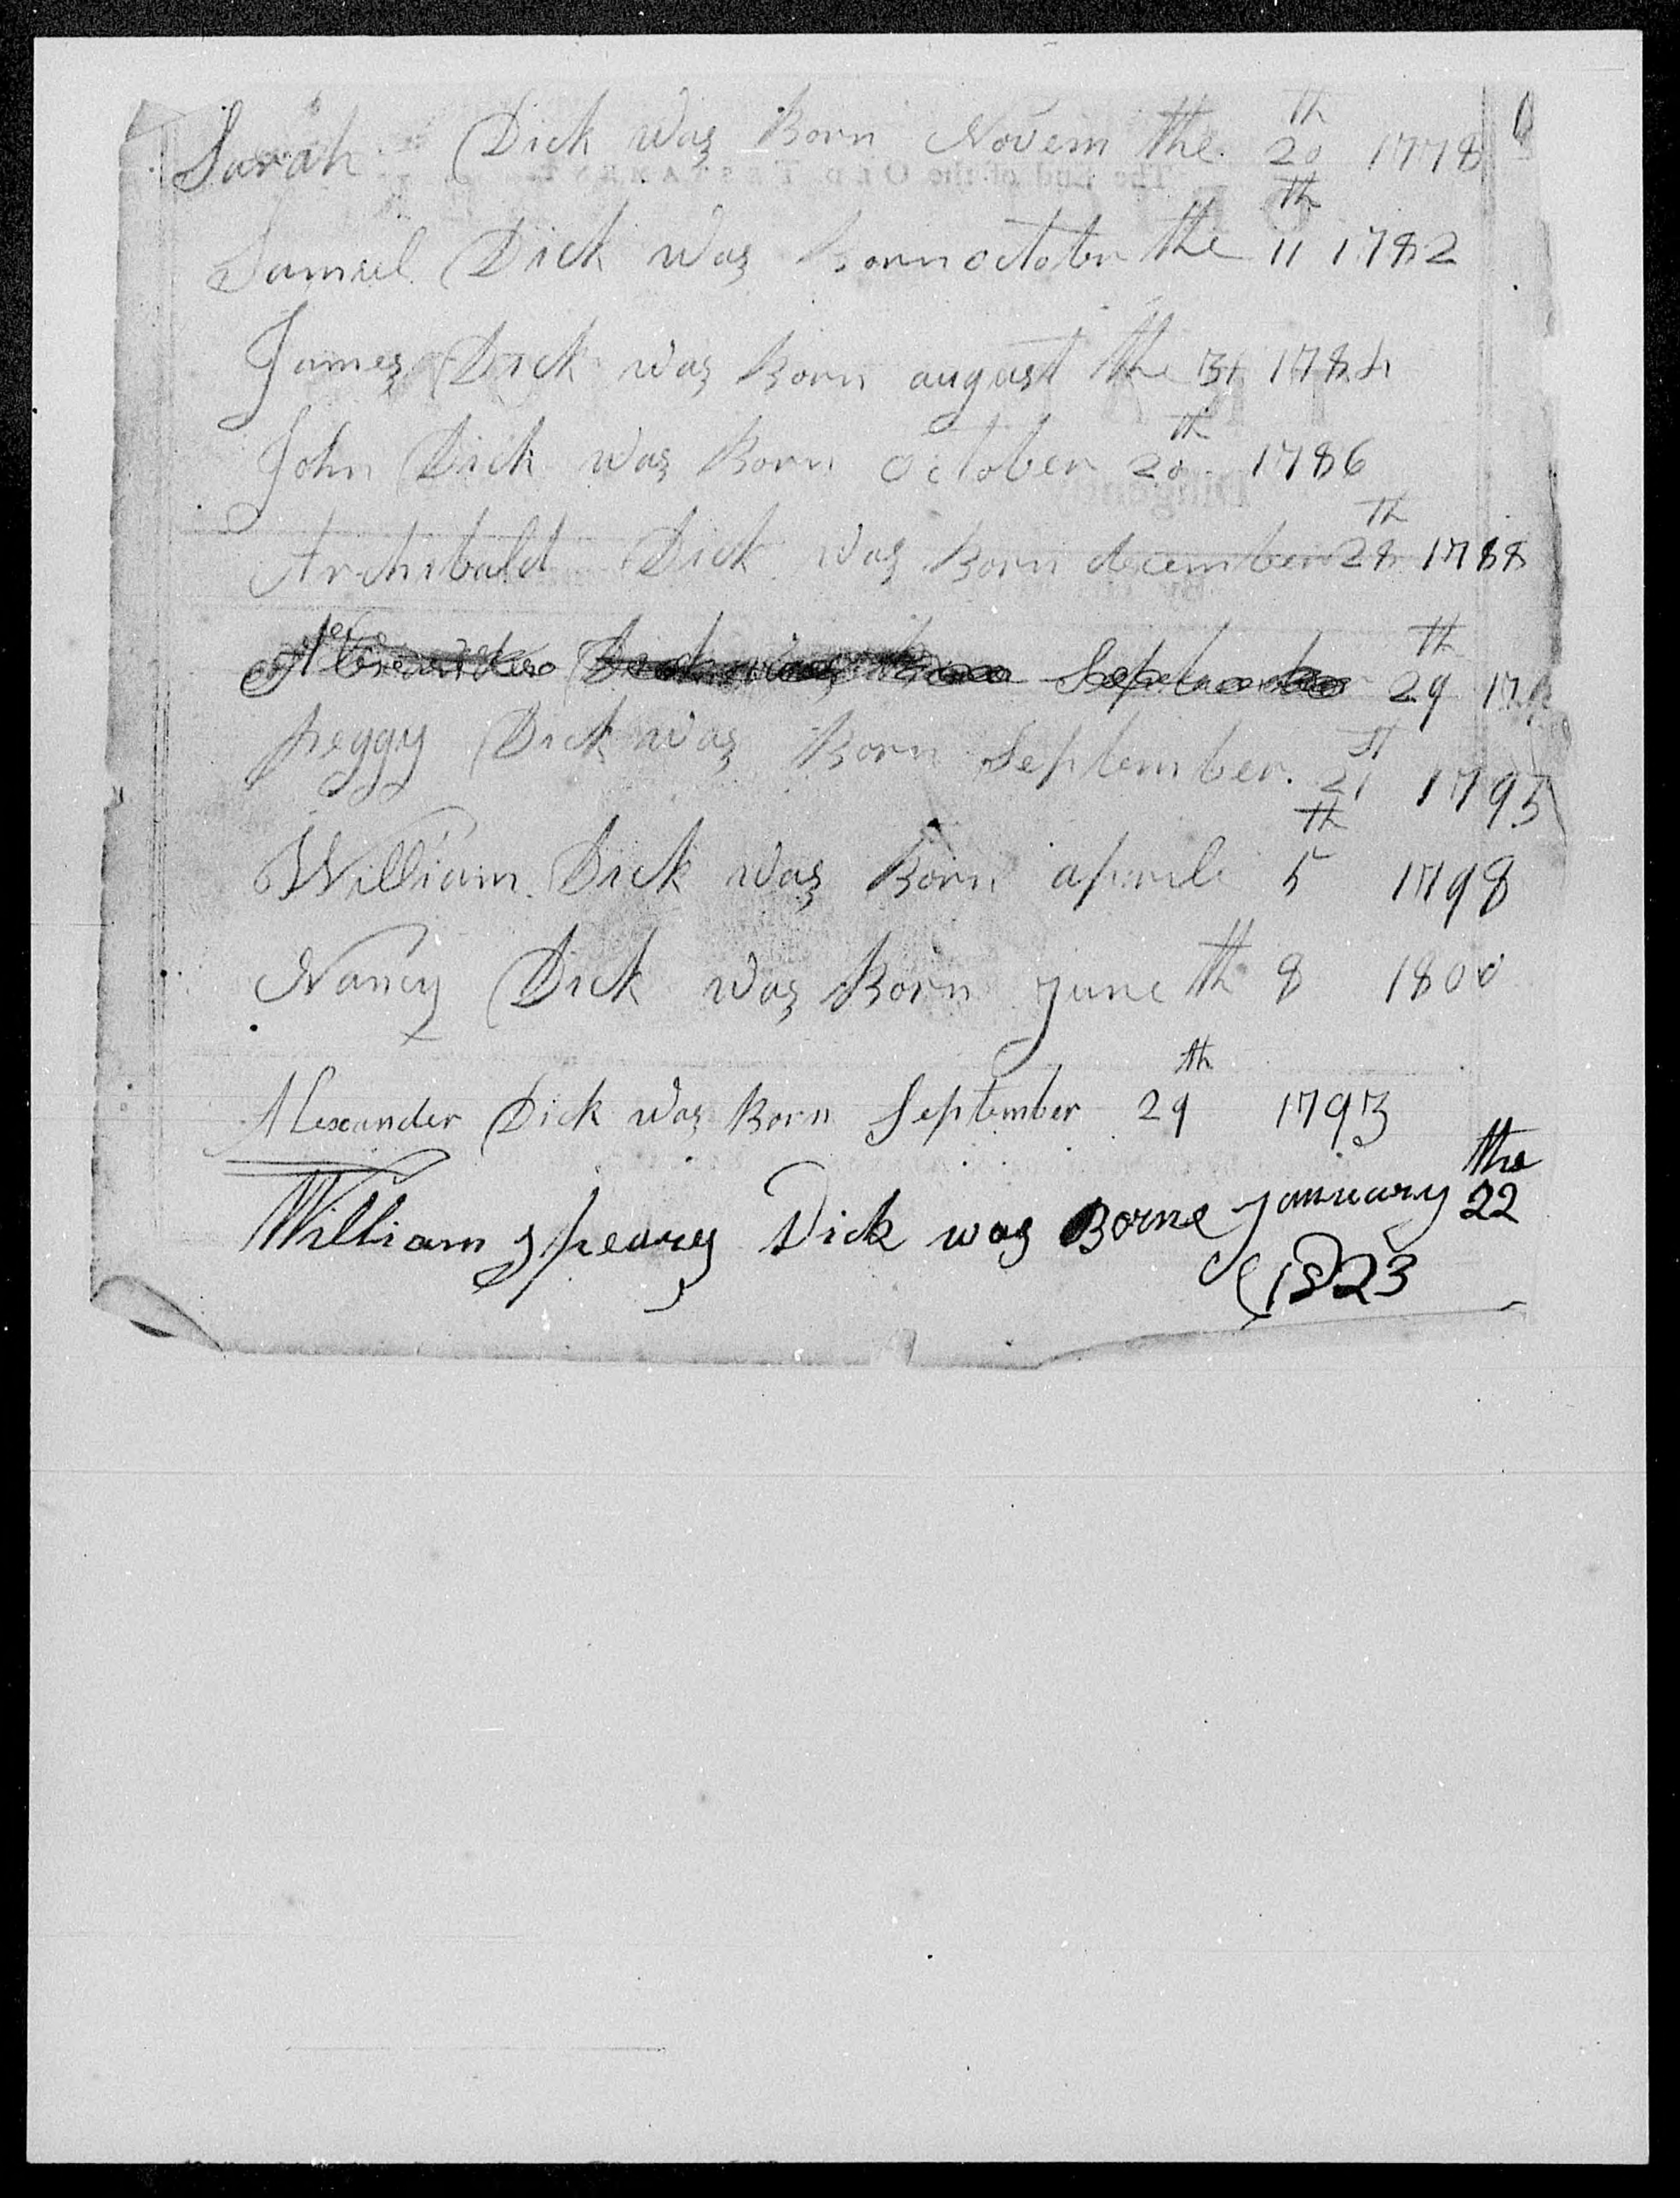Sarah Dick was Born Novem  20th 1778 
Samuel Dick was born october the 11th 1782 James Dick was Born august the 13th 1884 
John Dick was Born October 20 1786 
Archibald Dick was Born December 28th 1788 [text marked thru]
Peggy Dick was born September 21st 1795 William Dick was Born April 5th 1798 
Nancy Dick was born June the 8 1800 
Alexander Dick was Born September 29th 1793 William Speary Dick was Borne the January 22 1823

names: William Dick, John Dick, Alexander Dick, Alexander Dick, Archibald Dick, James Dick, William Speary Dick, Peggy Dick, Samul Dick, Nancy Dick, Sarah Dick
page: 5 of 31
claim: widow's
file: W. 8668, John Dick, S C